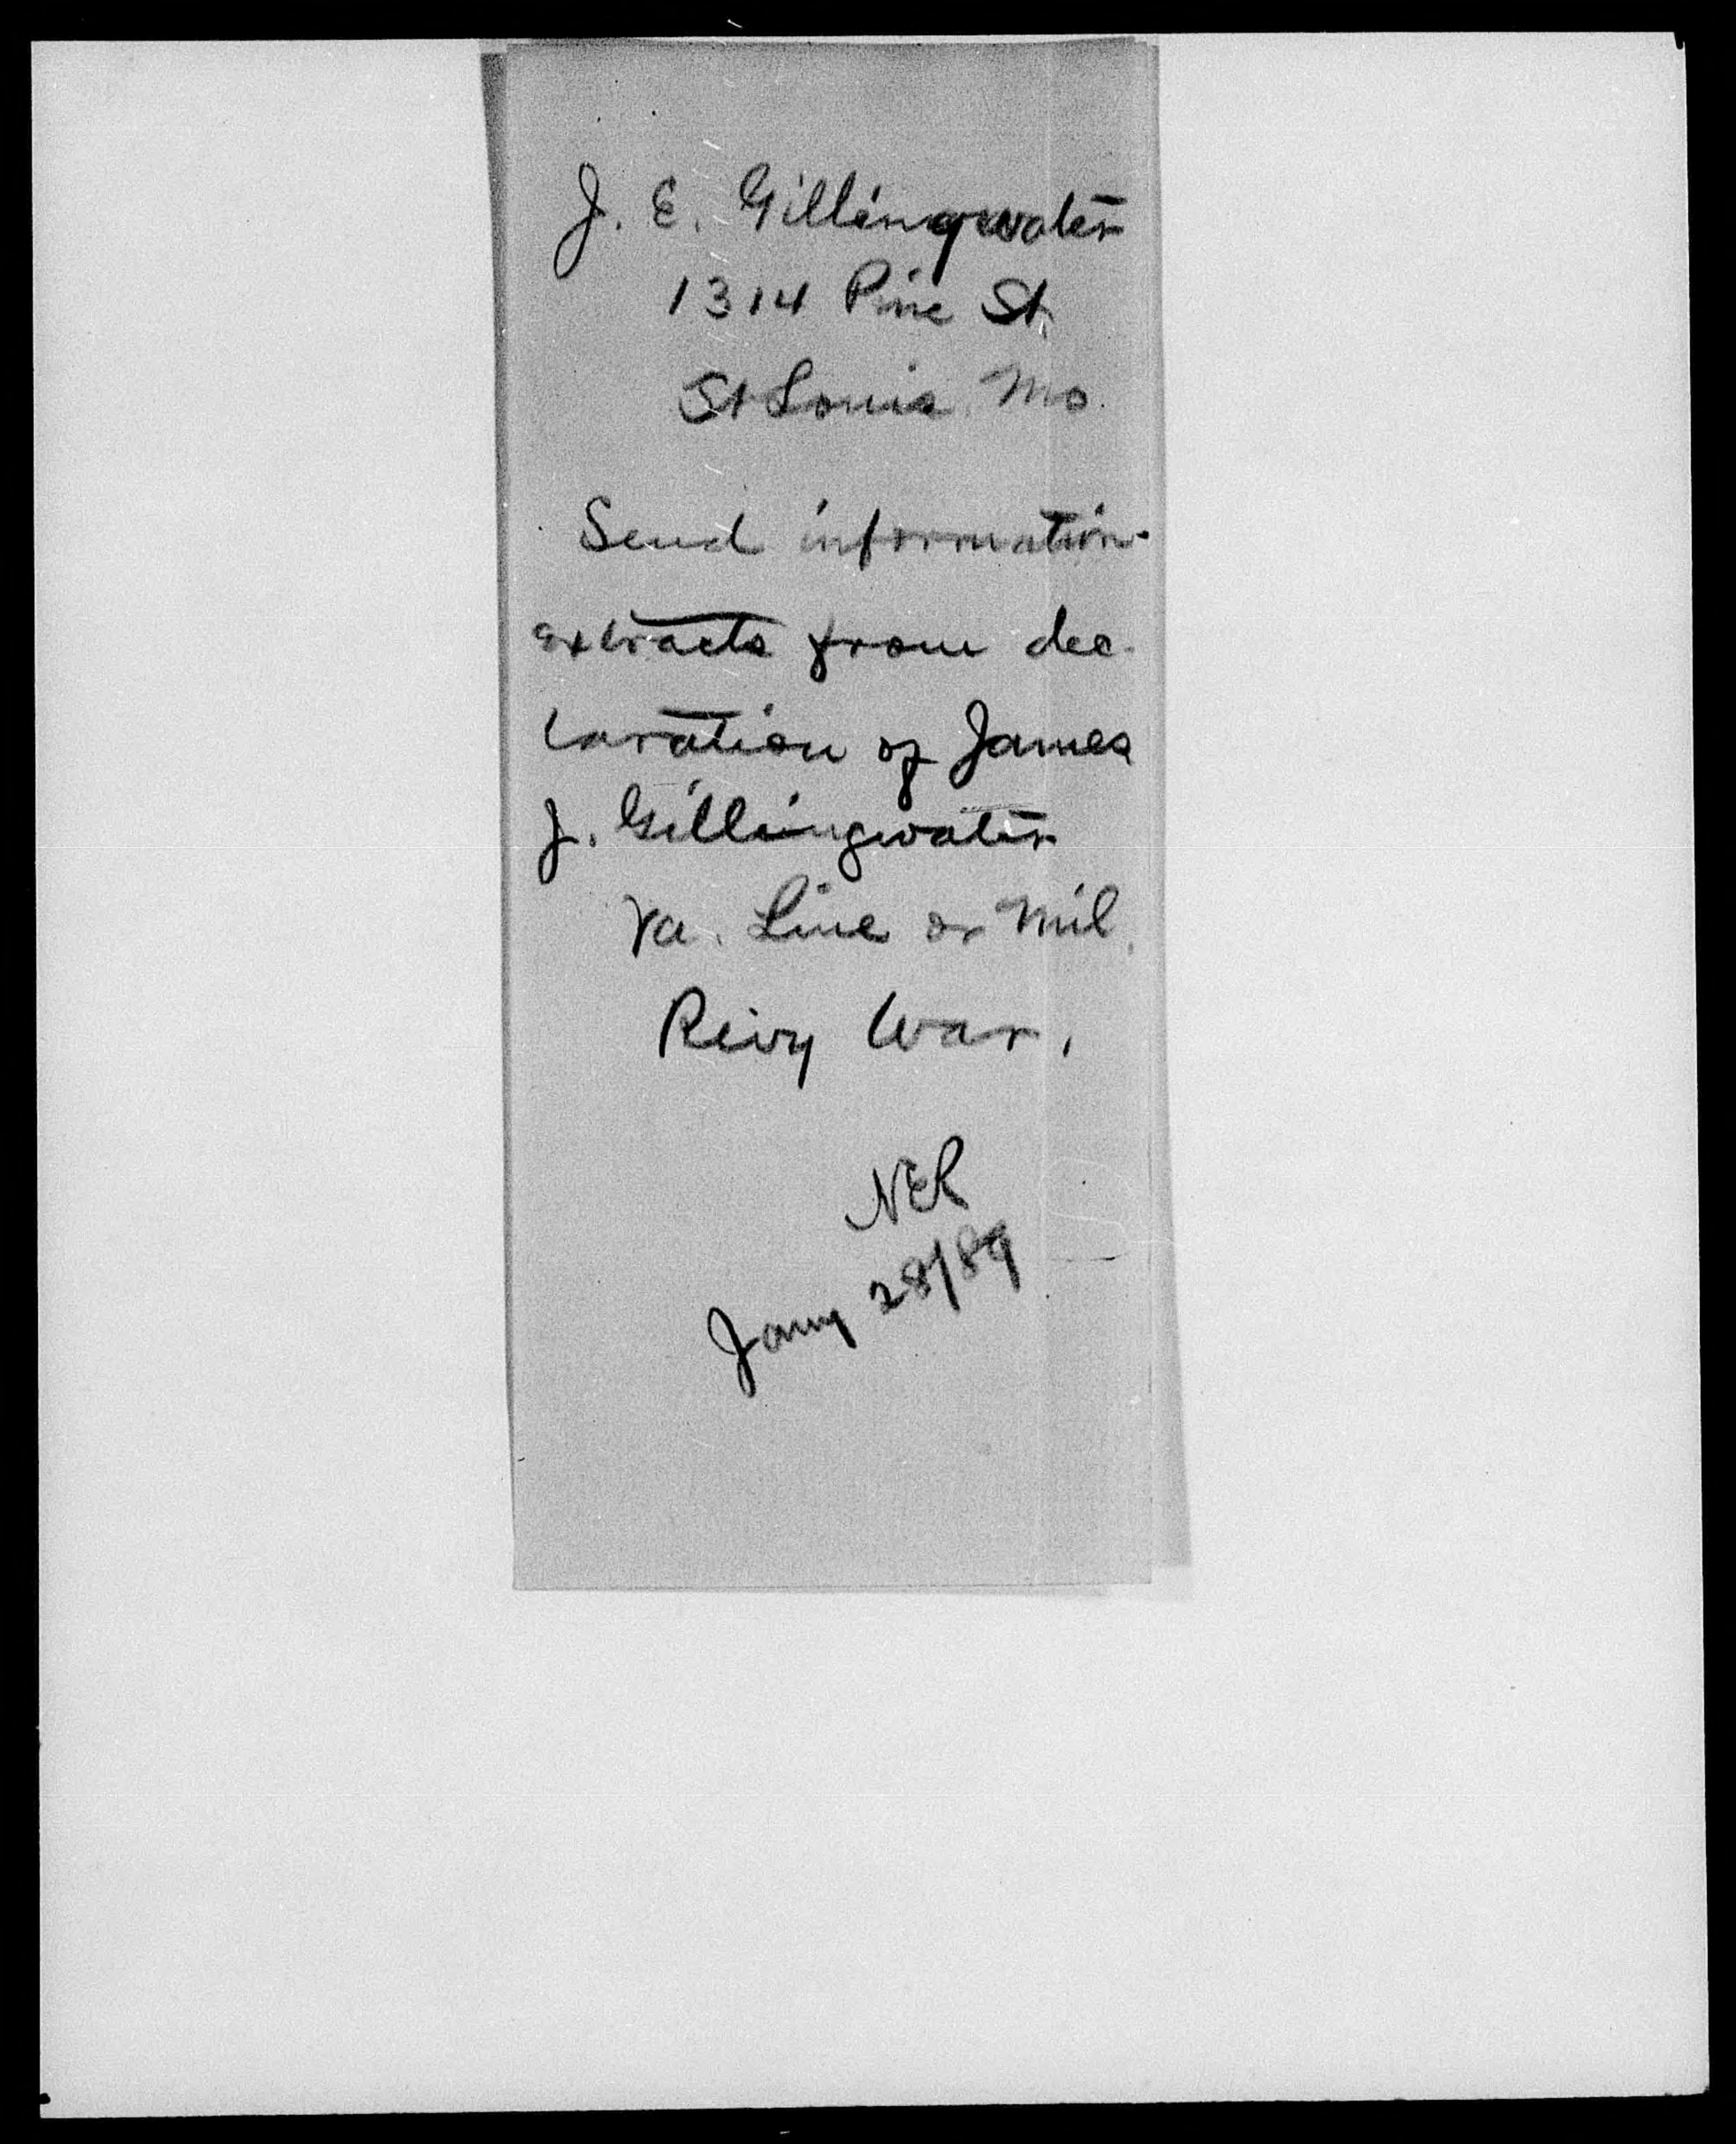J. E. Gillingwater
1314 Pine St.
St. Louis, Mo

Send information extracts from declaration of James J. Gillingwater Va. ? or ?

? War

NER
J? 28/89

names: J E Gillingwater, James J Gillingwater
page: 21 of 36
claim: survivor's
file: S. 39570, James Gillingwater, Va.